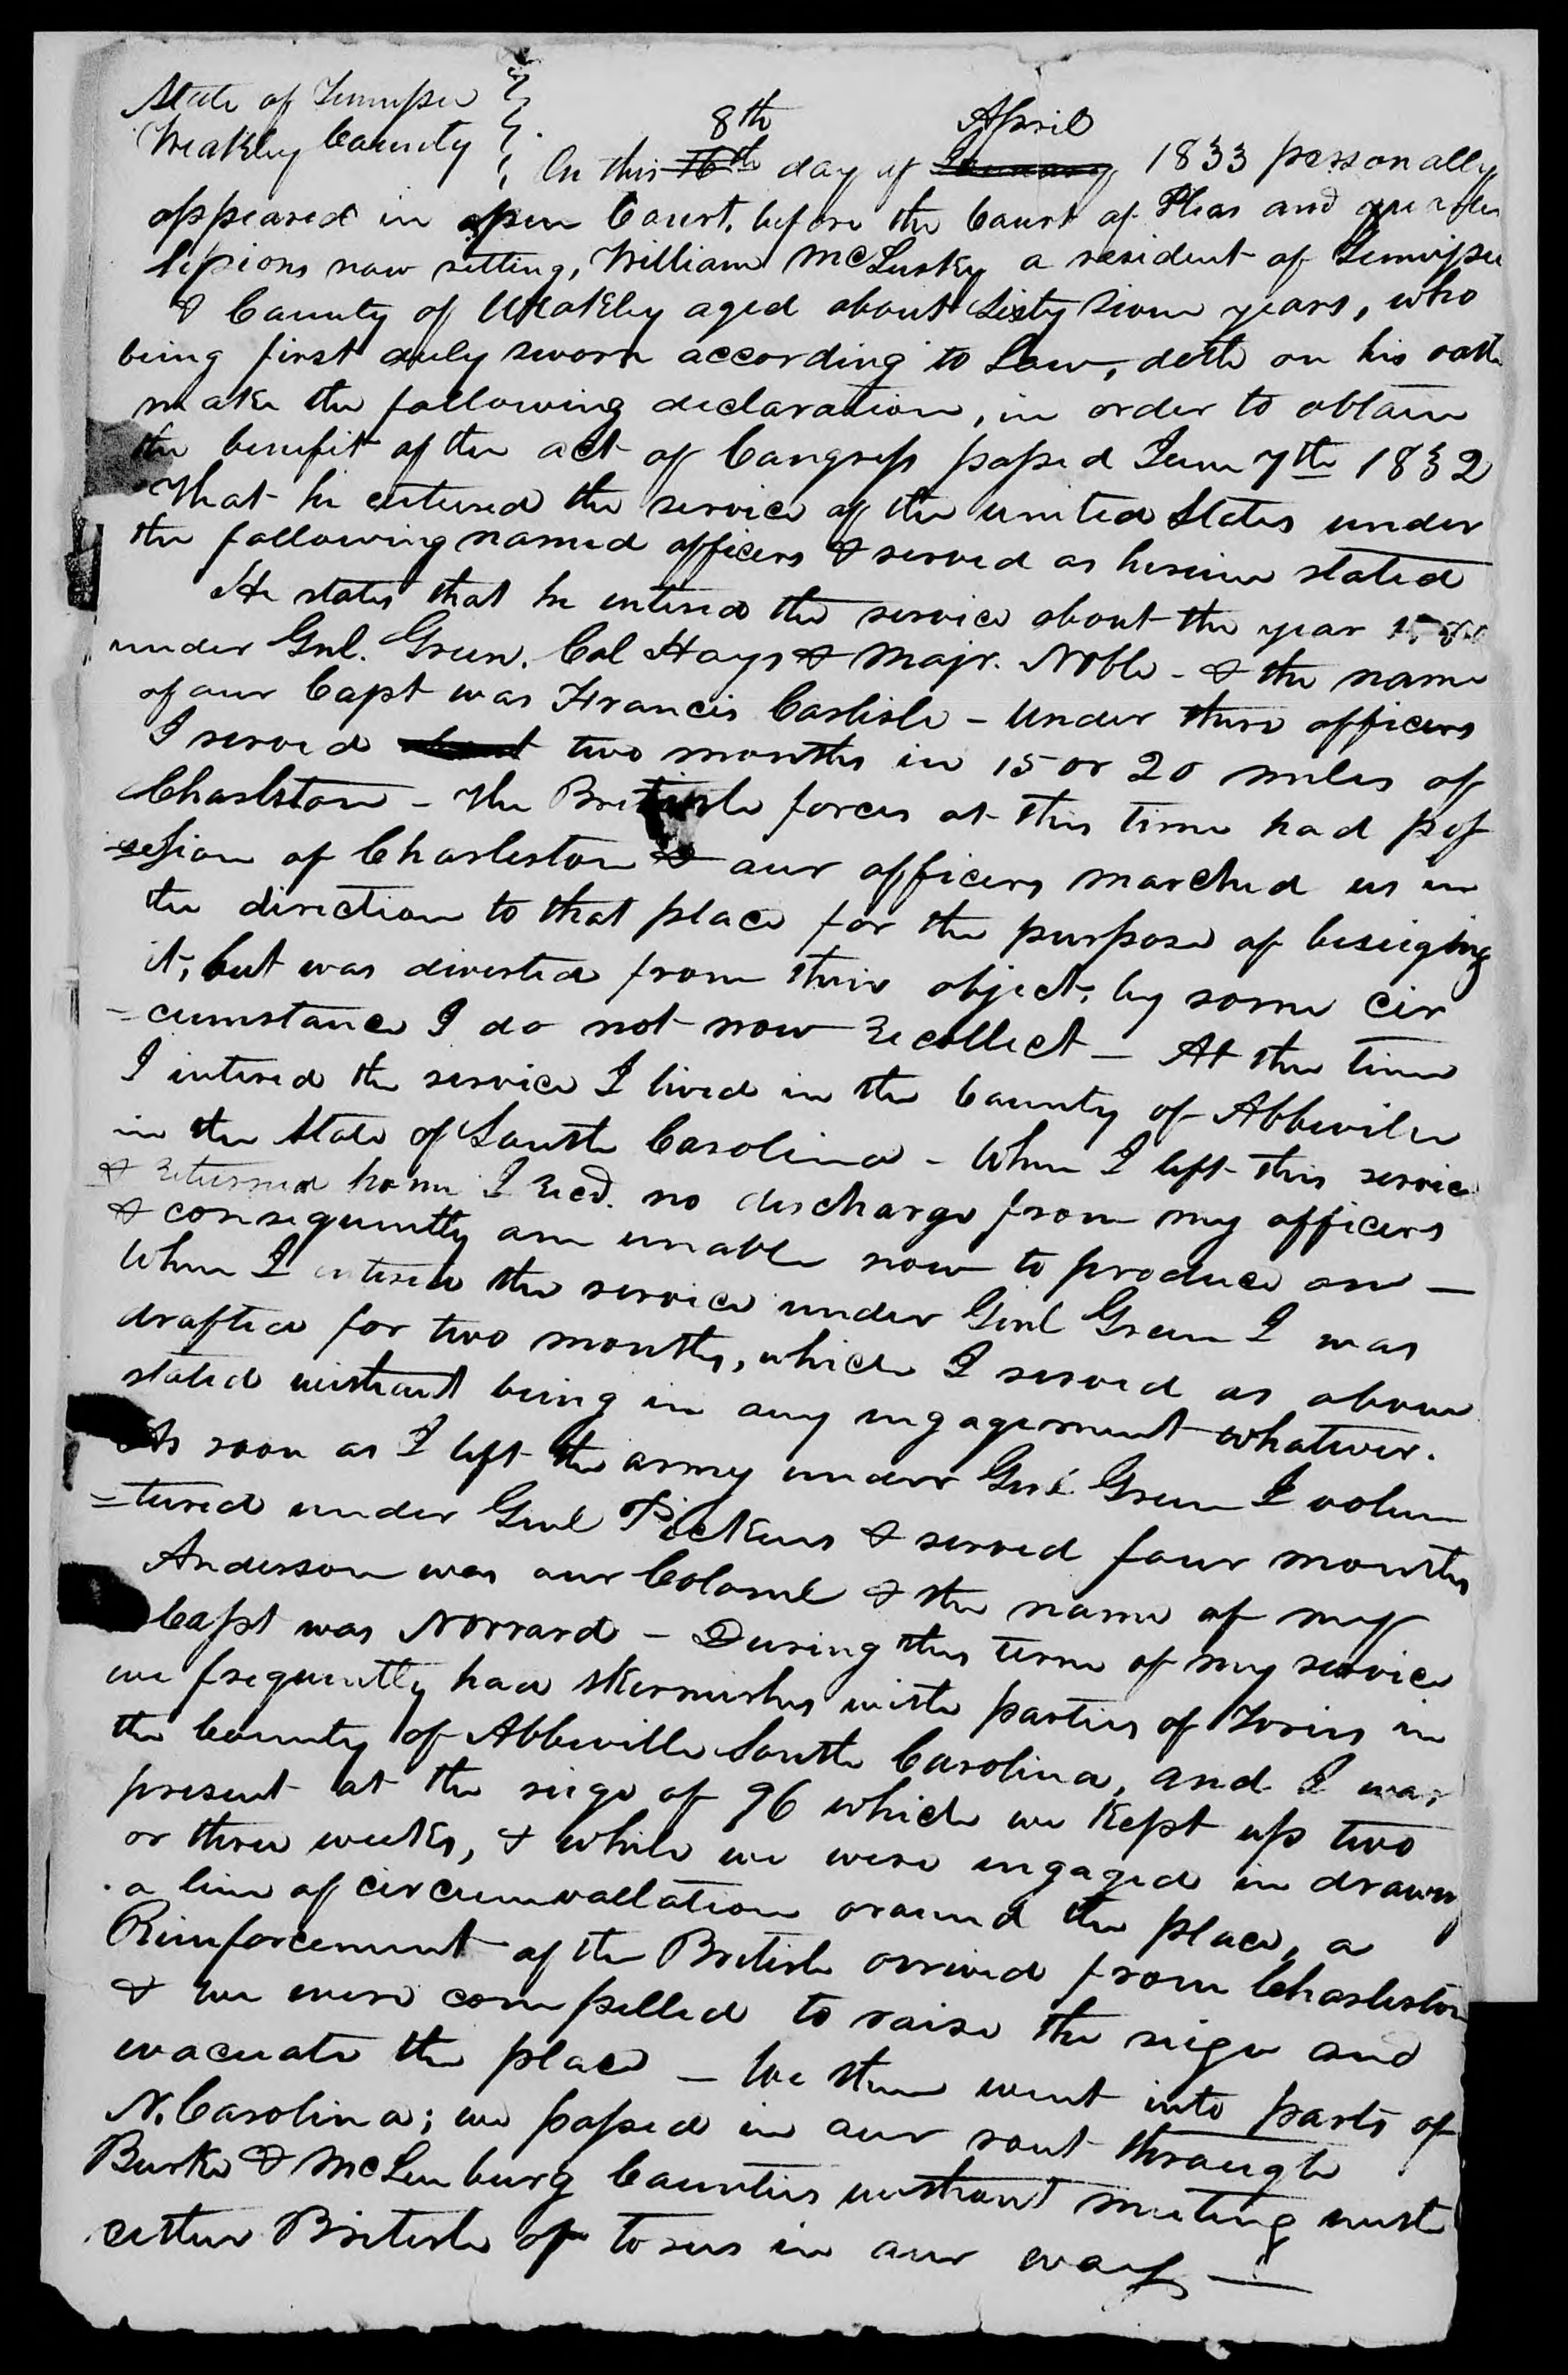State of Tennessee} 
Weakley County} 
On this 8th day of April 1833 personally appeared in open Court before the Court of Pleas and quarter Sessions now sitting, William McLusky a resident of Tennessee & County of Weakley aged about sixty seven years, who being first duly sworn according to law, doth on his oath make the following declaration, in order to obtain the benefit of the act of Congress  passed June 7th 1832 
That he entered the service of the United States under the  following named officers & served as herein stated 
He states he entered the service about the year [1781] under Gen. Green, Col Hays & Majr. Noble & the name  of our Capt was Francis Carlisle - under these officers I served two months in 15 or 20 miles of Charleston - the British forces at this time had of possession of Charleston & our officers marched us in the direction to that place for the purpose of besieging it, but was diverted from their object, by some circumstance I do not now recollect. 
At the time I entered the service I lived in the County of Abbeville in the State of South Carolina - when I left this service & returned home I received no discharge from my officers & consequently am unable now to produce one When I entered the service under Genl Green I was drafted for two months, which I served as above stated instant without being in any engagement whatever. 
As soon as I left the army under Genl Green I volunteered under Genl Pickens & served four months - Anderson was our Colonel & the name of my Capt was Norward. 
During this term of my service we frequently had skermishes with parties of Tories in the County of Abbeville South Carolina, and I was present at the seige of 96 which we kept up two or three weeks, & while we were engaged in drawing a line of circumvallation around the place, a Reinforcement of the British arrived from Charleston & we were compelled to raise the siege and evacuate the place 
We then went into parts of N. Carolina; and passed in our rout through Burke & Mecklenburg Counties without meeting with either British or Tories in our way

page: 4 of 14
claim: survivor's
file: S. 1693, for William Mc Lusky, South Carolina